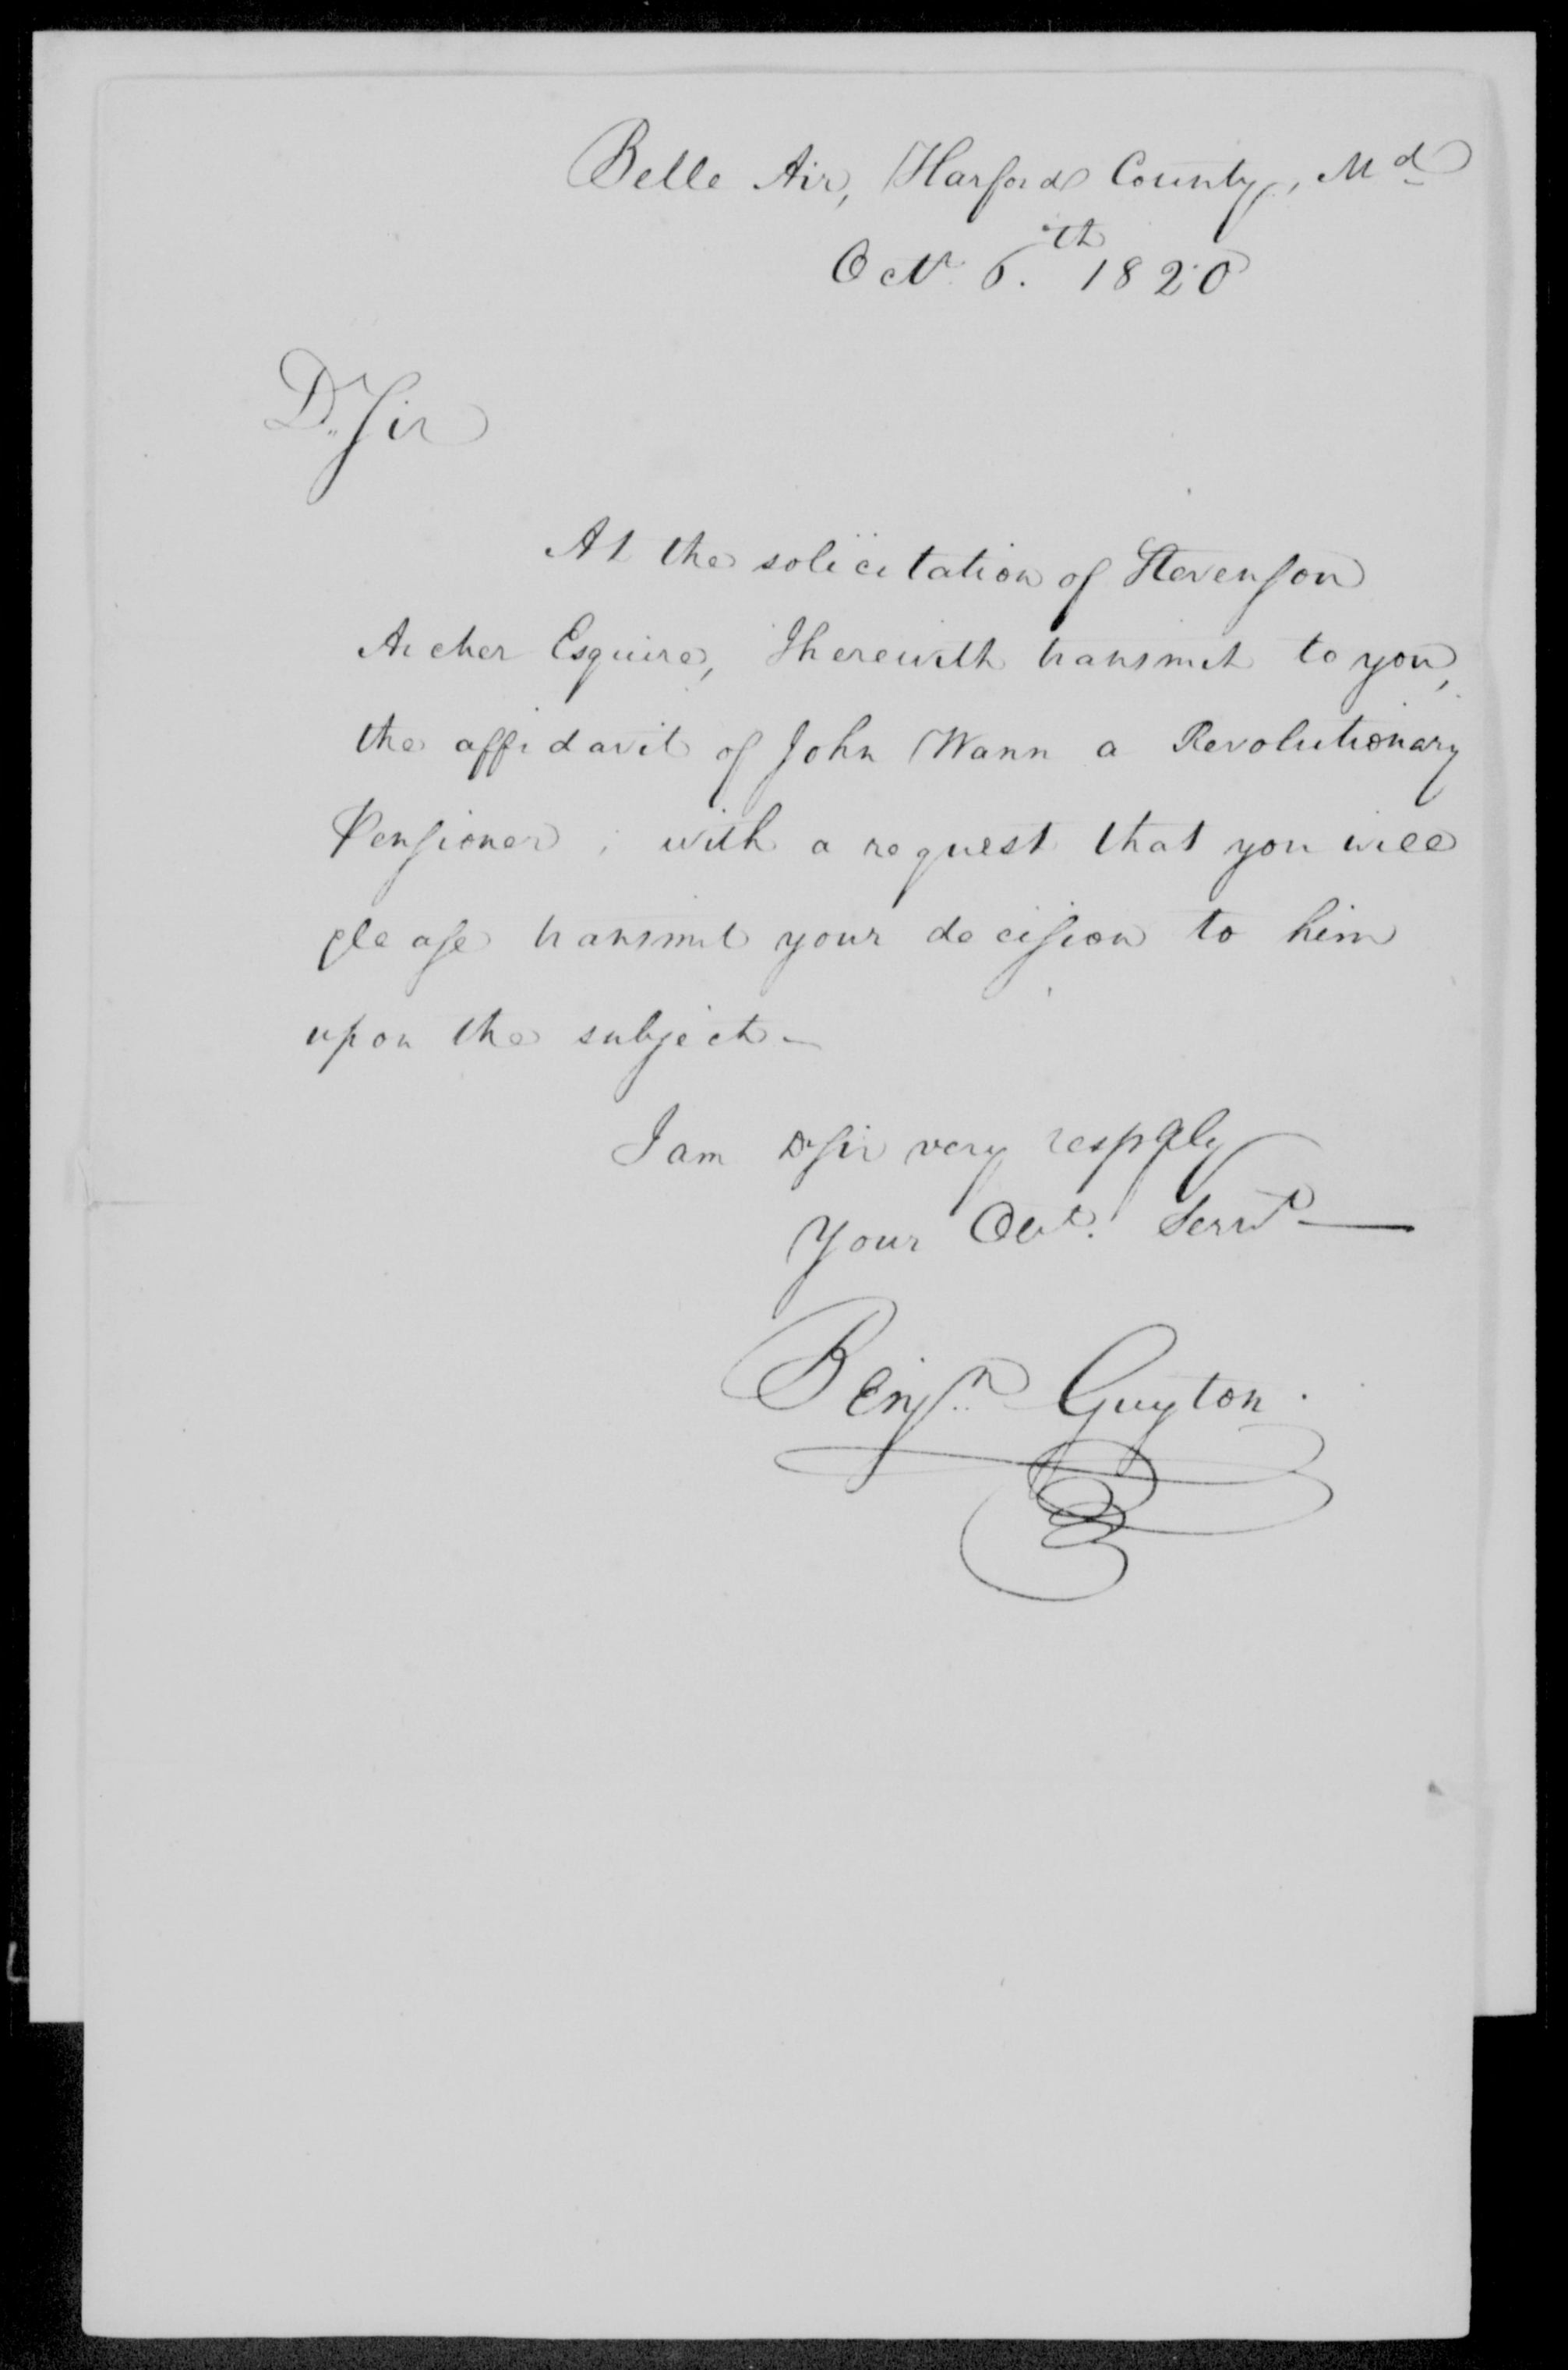Belle Air, Harford County, Md
Oct. 6th. 1820
Dr. Sir
At the solicitation of Stevenson Archer Esquire, Herewith transmit to you, the affidavit of John Wann a Revolutionary Pensioner; with a request that you will lease [please] transmit your decision to him upon the subject -
I am dr sir very resply [respectfully]
Your Obt [obedient] Servt [servant]

Benjn [Benjamin] Guyton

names: John Wann, Benjn Guyton, Stevenson Archer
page: 34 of 38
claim: widow's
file: W. 3899, John Wann, Penn.